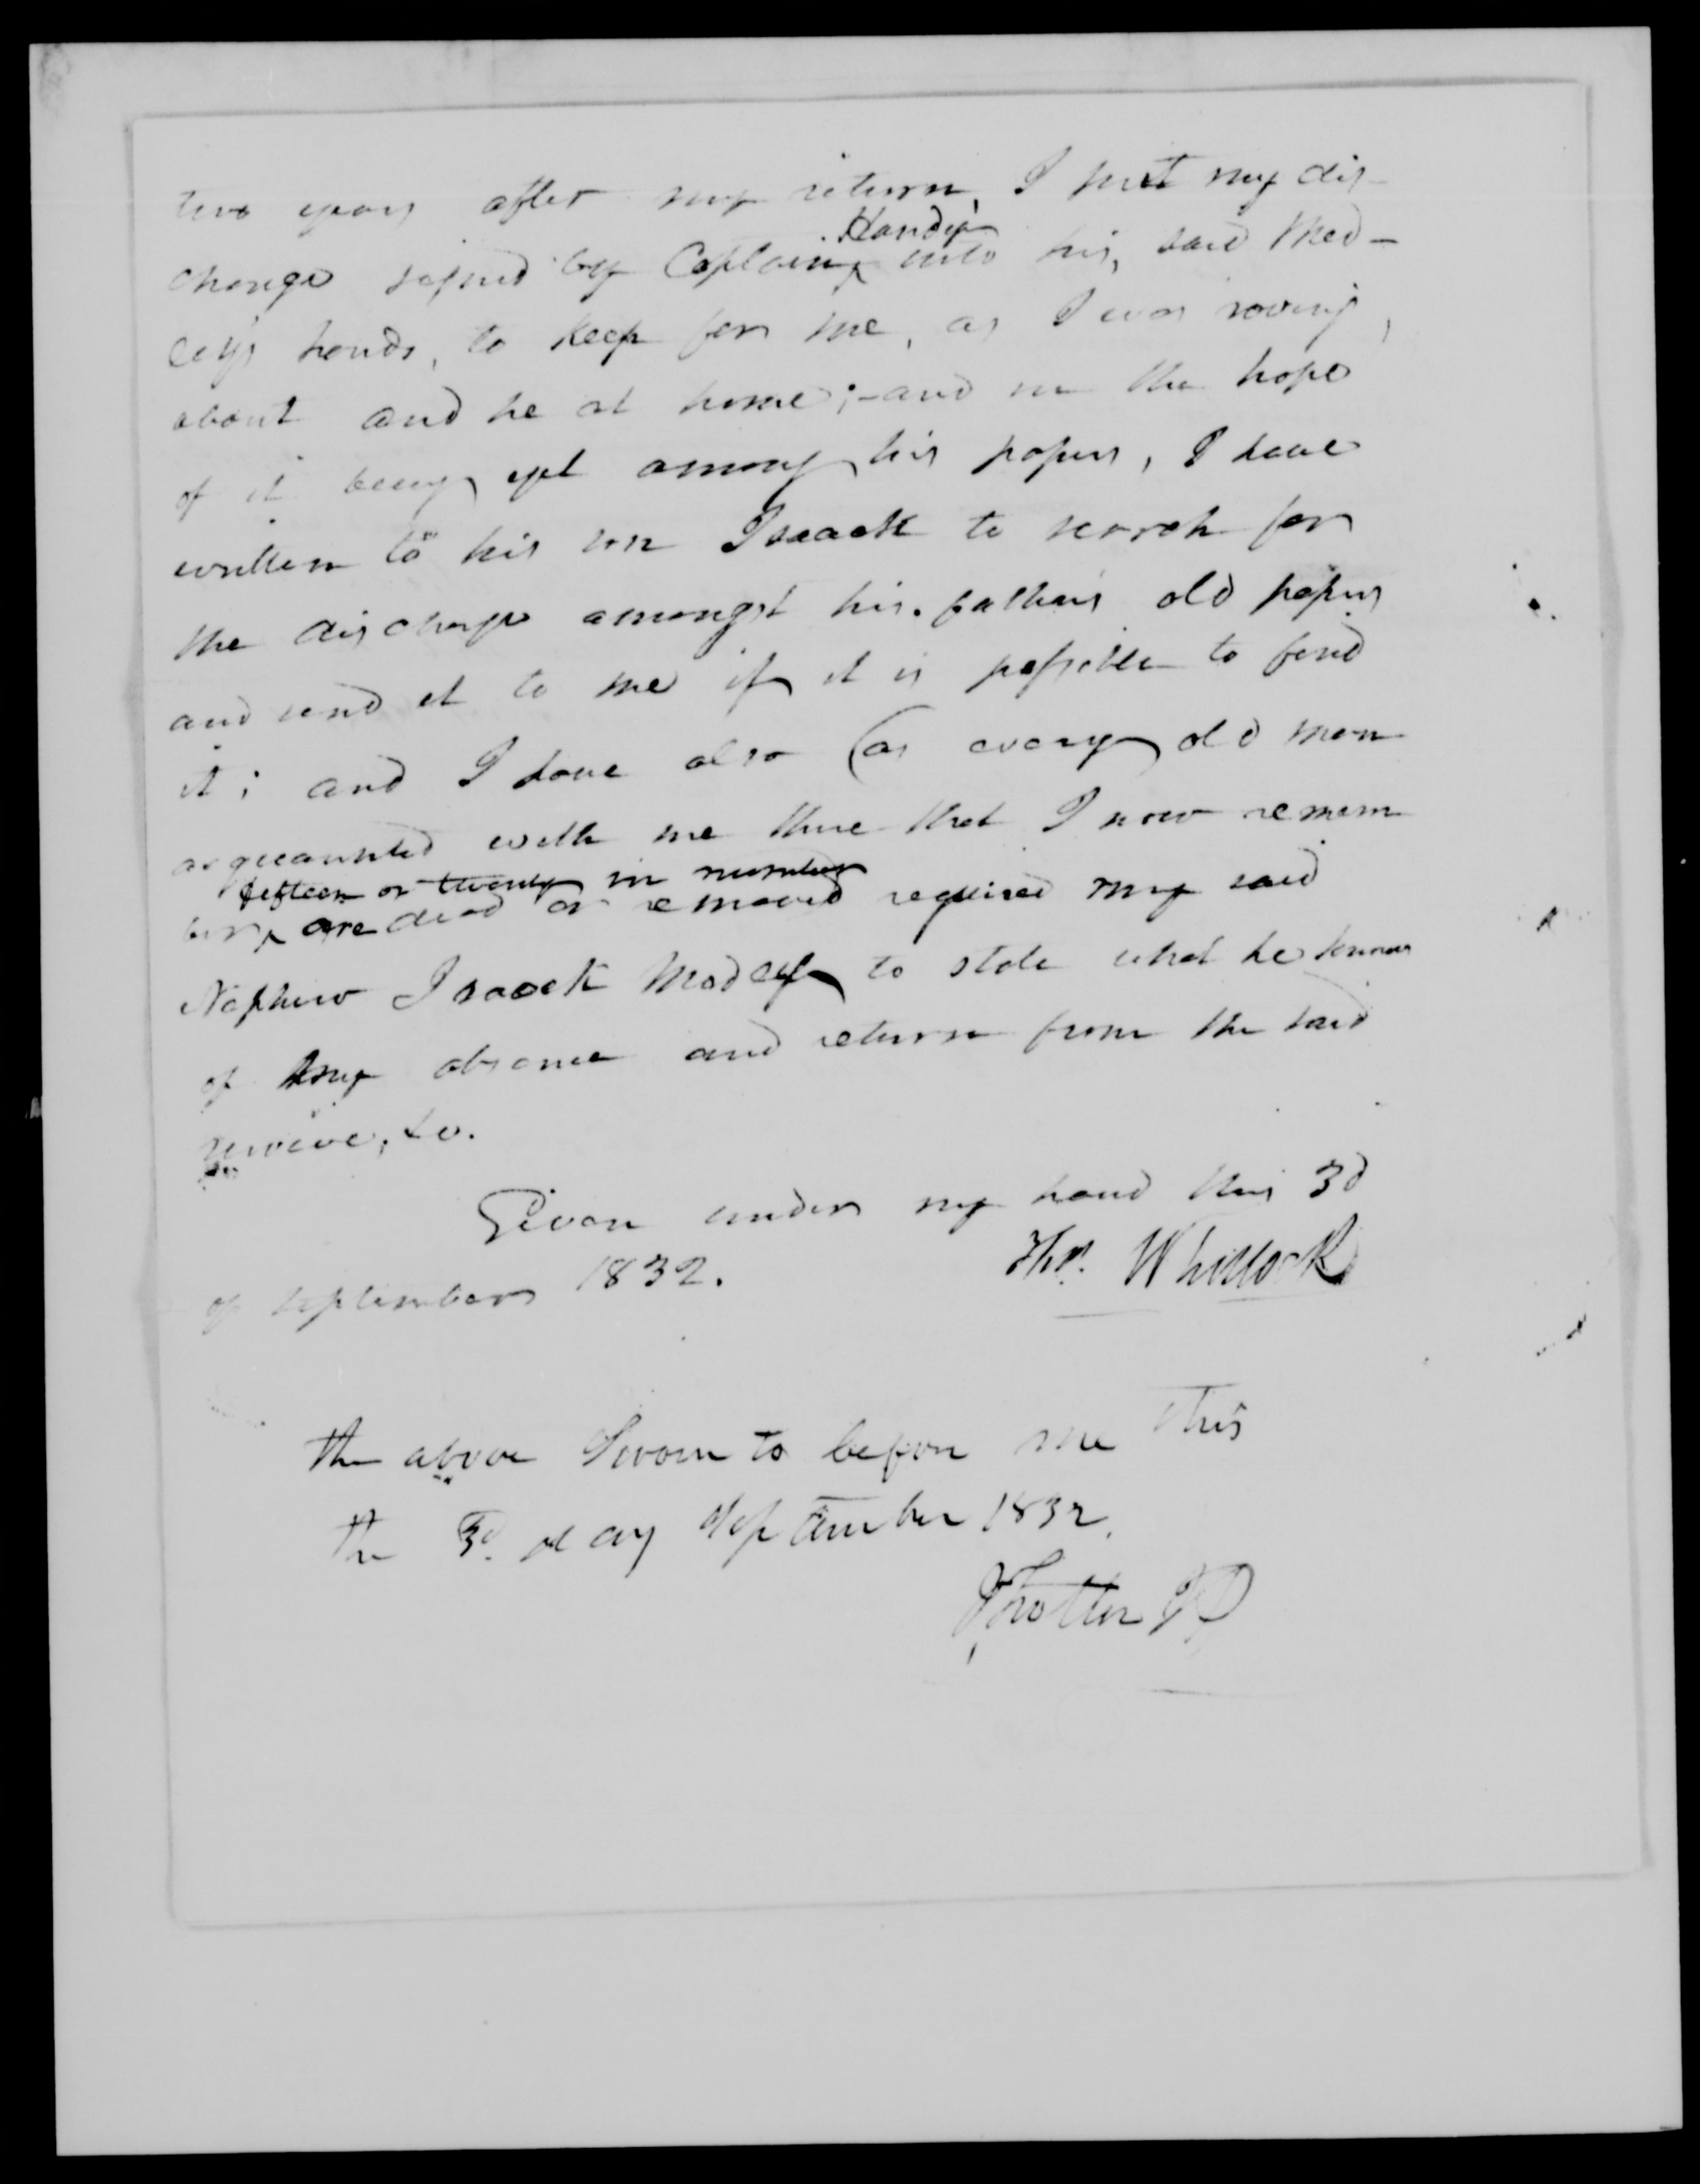two years after my return, I put my discharge signed by Captain Hardy into his said reliable  hands, to keep for me as I was roaming about and he at home; and in the hope of it being yet among his papers, I have written to his son Isaack to search for the discharge amongst his father’s old papers and send it to me if it is possible to find it; and I done also (as every old man acquainted) with me there that I now remember fifteen or twenty in numbers are dead or moved requires the said Nephew Isaack Modey to state what he knows of the absence and return from the said service, to. 

Given under my hand this 3d of September 1832. Mr. Whitlock 

The above Sworn to before me the 30th day September 1832 J Trotter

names: Isaack Modey, Handy, Thos Whitlock, J Trotter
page: 8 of 32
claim: survivor's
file: S. 16020, Thomas Whitlock, Va.